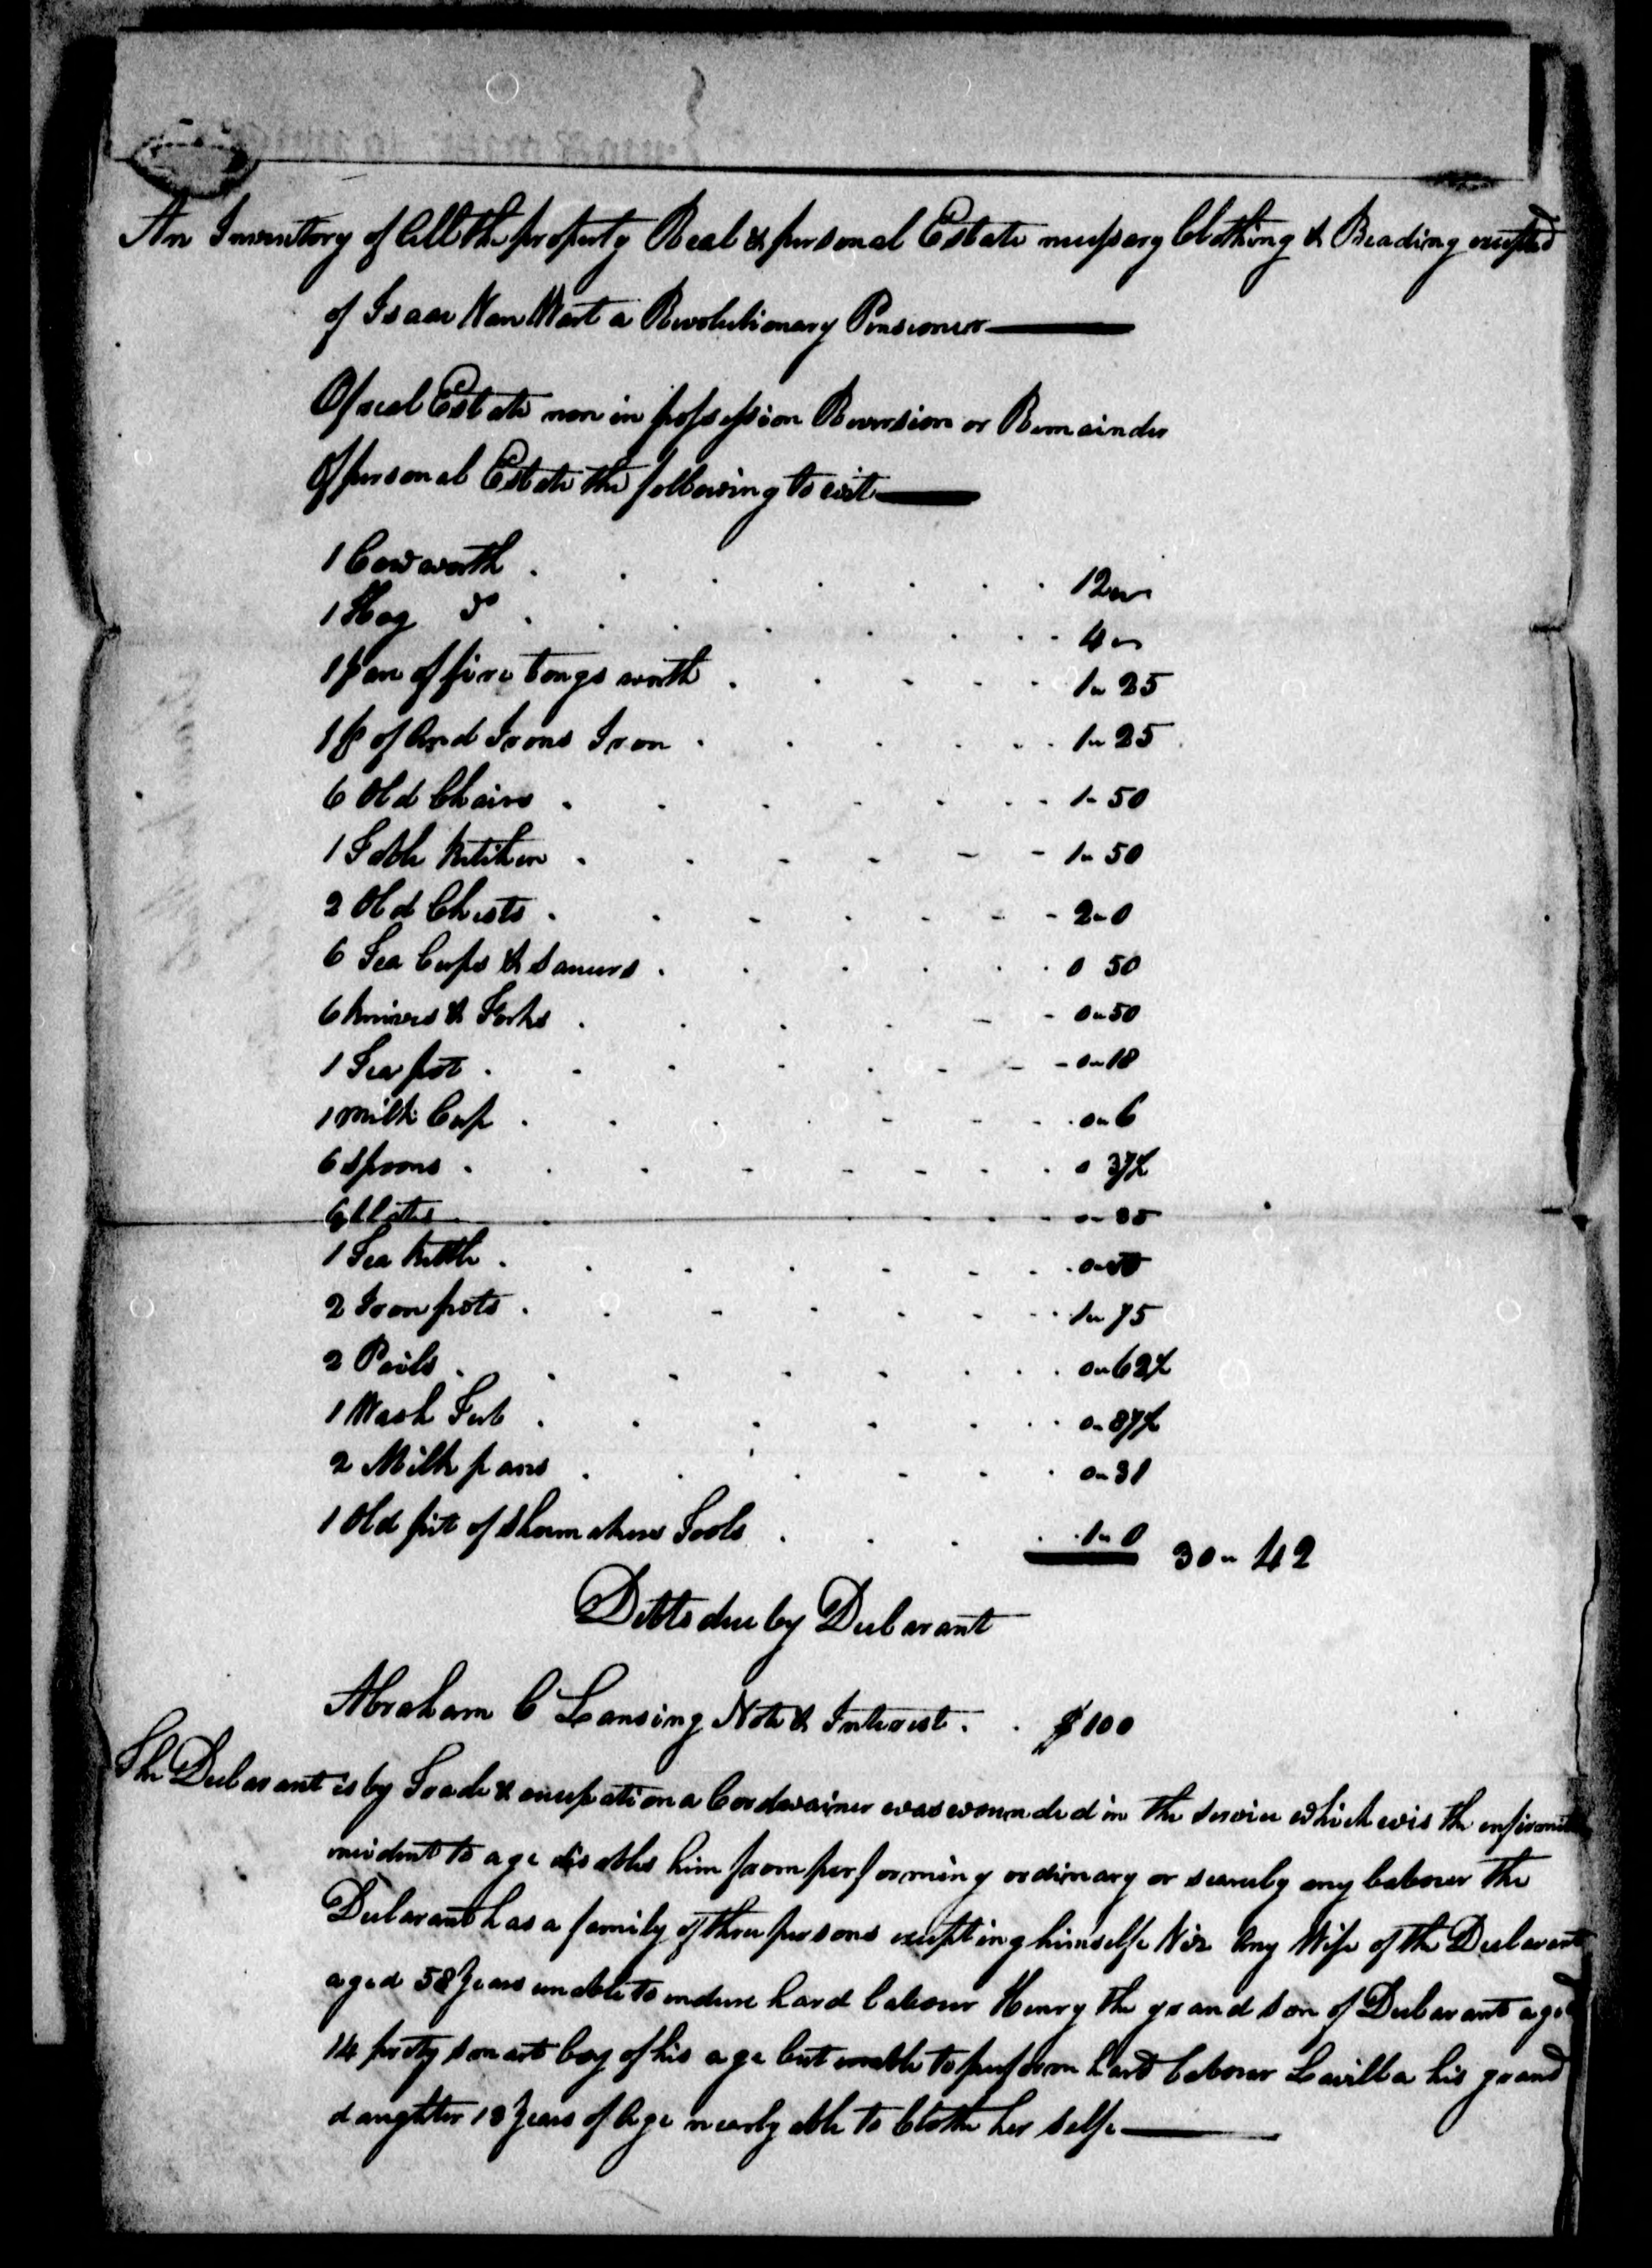An Inventory of All the property Real & personal Estate necessary Clothing & Bedding excepted of Isaac Van Wart a Revolutionary Pensioner –
Of real Estate now in possession Reversion or Remainder
Of personal Estate the following to wit –
1 Cow worth   12
1 Hog worth   4
1 pair of fire tongs worth  1.25
1 pr of And Irons Iron  1.25
6 old Chairs  1.50
1 Table Kitchen   1.50
2 Old Chests  2.0
6 Tea Cups & Saucers   0.50
6 knives & forks  0.50
1 Tea pot  0.18
1 milk cup  0.6
6 spoons  37 ½
6 Cloths  .35
1 Tea kettle  0.75
2 Iron pots  1.75
2 pails  0.62 ½
1 Wash tub  0.87 ½
2 Milk pans  0.31
1 Old kit of shoemakers Tools  1.0
[totals to] 30.42
Debts due by Declarant 
Abraham C Lansing Note & Interest.. $100
The Declarant is by Trade & occupation a Cordwainer was wounded in the service which wis the infirmity incident to age disables him from performing ordinary or scarcely any labour the Declarant has a family of three persons excepting himself Viz Amy Wife of the Declarant aged 58 years unable to endure hard labour Henry the grand son of Declarant aged 14 pretty smart boy of his age but unable to perform hard labour  Lavilla his grand daughter 13 years of age nearly able to Clothe her self. -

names: Isaac Van Wart, Henry, Abraham C Lansing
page: 86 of 102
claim: widow's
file: W. 18239, Isaac Van Wart, New York